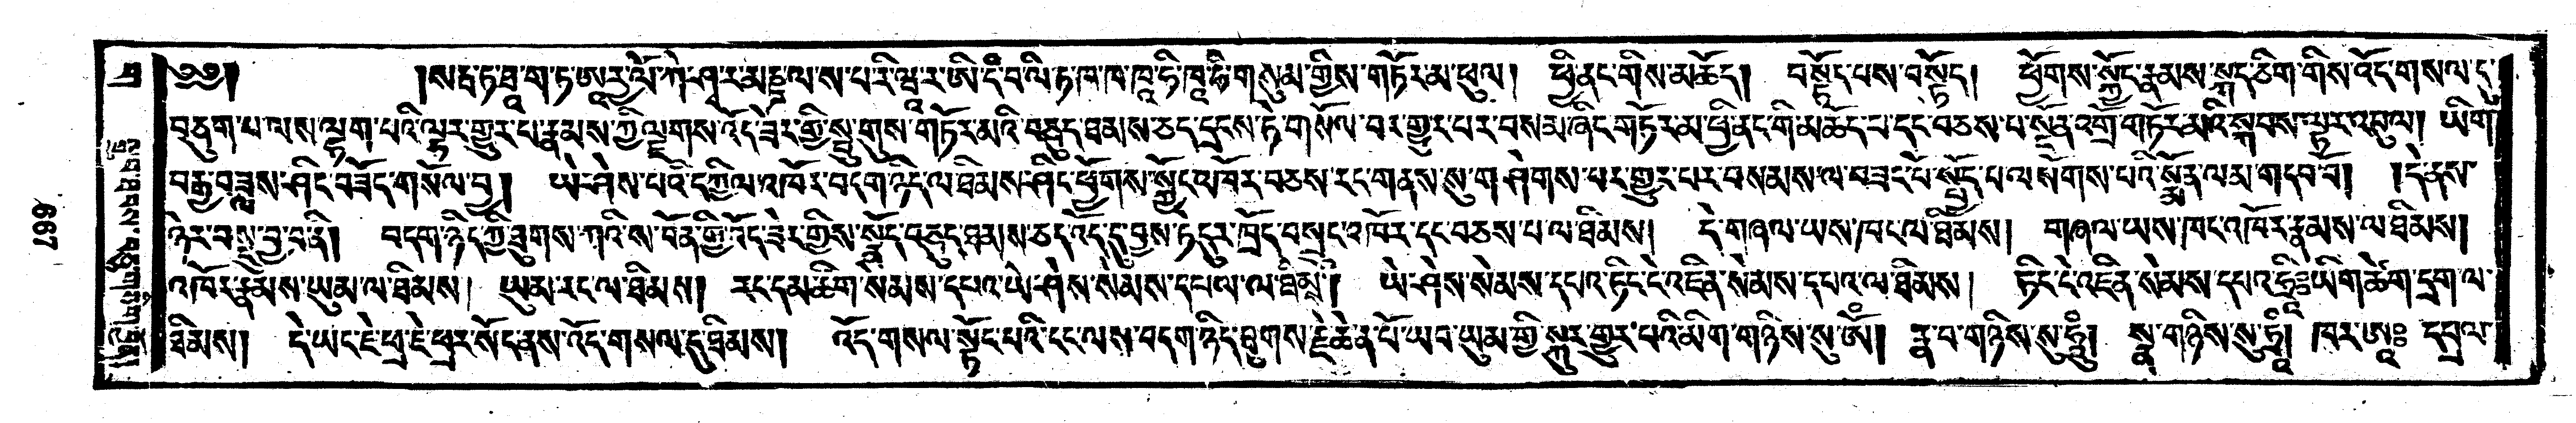༄༅། །སརྦ་ཏ་ཐཱ་ག་ཏ་ཨཱརྱ་ལོ་ཀེ་ཤྭ་ར་མཎྚ་ལ་ས་པ་རི་ཝཱ་ར་ཨི་དཾ་བ་ལི་ཏ་ཁ་ཁ་ཁཱ་ཧི་ཁཱ་ཧི་གསུམ་གྱིས་གཏོར་མ་ཕུལ། ཕྱི་ནང་གིས་མཆོད། བསྟོད་པས་བསྟོད། ཕྱོགས་སྐྱོང་རྣམས་སྐད་ཅིག་གིས་འོད་གསལ་དུ་
བཅུག་པ་ལས་ལྷག་པའི་ལྷར་གྱུར་པ་རྣམས་ཀྱི་ལྗགས་འོད་ཟེར་གྱི་སྦུ་གུས་གཏོར་མའི་བཅུད་ཐམས་ཅད་དྲངས་ཏེ་གསོལ་བར་གྱུར་པར་བསམ་ཞིང་གཏོར་མ་ཕྱི་ནང་གི་མཆོད་པ་དང་བཅས་པ་སྔོན་འགྲོ་གཏོར་མའི་སྐབས་ལྟར་འབུལ། ཡིག་
བརྒྱ་བཟླས་ཤིང་བཟོད་གསོལ་བྱ། ཡེ་ཤེས་པའི་དཀྱིལ་འཁོར་བདག་ཉིད་ལ་ཐིམས་ཤིང་ཕྱོགས་སྐྱོང་འཁོར་བཅས་རང་གནས་སུ་གཤེགས་པར་གྱུར་པར་བསམས་ལ་བཟང་པོ་སྤྱོད་པ་ལ་སོགས་པའི་སྨོན་ལམ་གདབ་བོ། །དེ་ནས་
ཉེར་བསྡུ་བྱ་བ་ནི། བདག་ཉིད་ཀྱི་ཐུགས་ཀའི་ས་བོན་གྱི་འོད་ཟེར་གྱིས་སྣོད་བཅུད་ཐམས་ཅད་འོད་དུ་བྱས་ཏེ་དུར་ཁྲོད་བསྲུང་འཁོར་དང་བཅས་པ་ལ་ཐིམས། དེ་གཞལ་ཡས་ཁང་ལ་ཐིམས། གཞལ་ཡས་ཁང་འཁོར་རྣམས་ལ་ཐིམས།
འཁོར་རྣམས་ཡུམ་ལ་ཐིམས། ཡུམ་རང་ལ་ཐིམས། རང་དམ་ཚིག་སེམས་དཔའ་ཡེ་ཤེས་སེམས་དཔལ་ལ་ཐིམས། ཡེ་ཤེས་སེམས་དཔའ་ཏིང་ངེ་འཛིན་སེམས་དཔའ་ལ་ཐིམས། ཏིང་ངེ་འཛིན་སེམས་དཔའ་ཧྲཱིཿ ཡིག་ཚེག་དྲག་ལ་
ཐིམས། དེ་ཡང་ཇེ་ཕྲ་ཇེ་ཕྲར་སོང་ནས་འོད་གསལ་དུ་ཐིམས། འོད་གསལ་སྟོང་པའི་ངག་ལས་བདག་ཉིད་ཐུགས་རྗེ་ཆེན་པོ་ཡབ་ཡུམ་གྱི་སྐུར་གྱུར་པའི་མིག་གཉིས་སུ་ཨོཾ། རྣ་བ་གཉིས་སུ་ཧཱུཾ། སྣ་གཉིས་སུ་ཏྲཱཾ། ཁར་ཨཱཿ དཔྲལ་